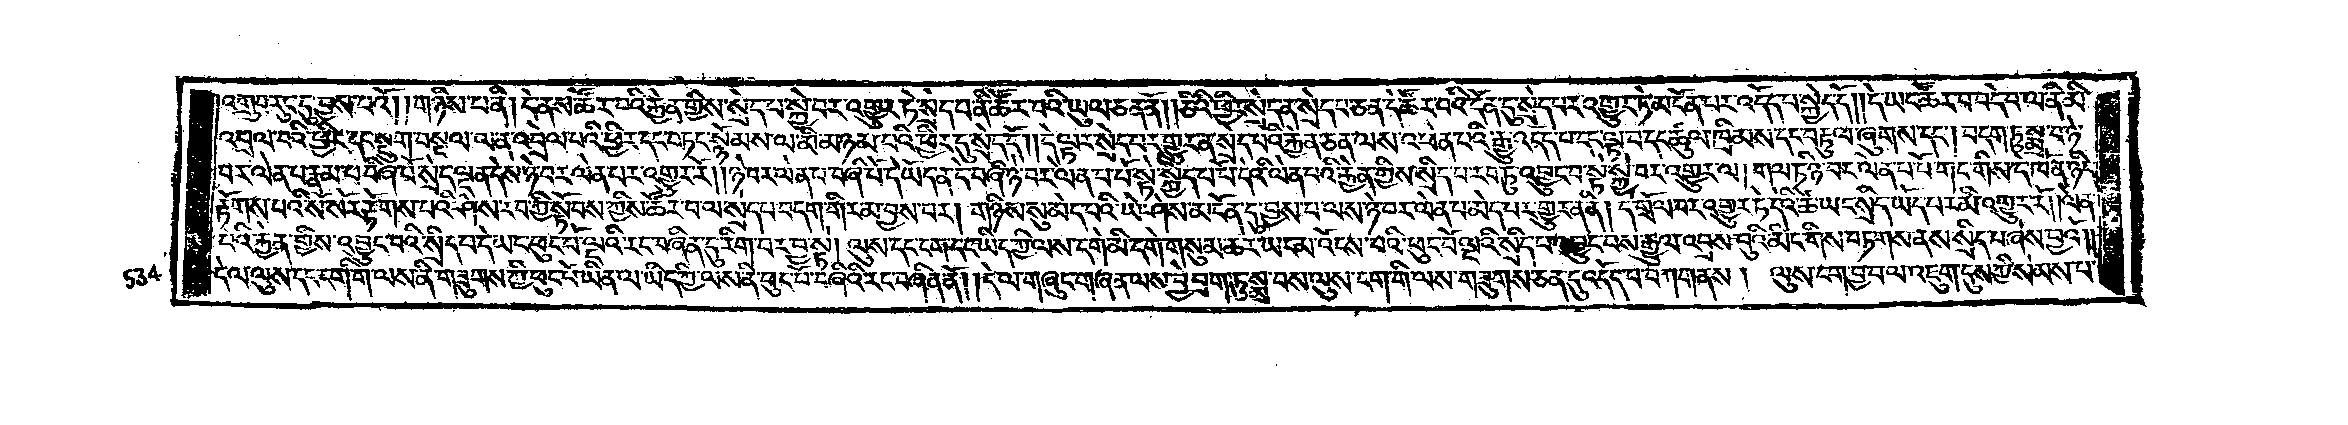འགྲུབ་རུང་དུ་བྱས་པའོ། །གཉིས་པ་ནི། དེ་ནས་ཚོར་བའི་རྐྱེན་གྱིས་སྲེད་པ་སྐྱེ་བར་འགྱུར་ཏེ་སྲིད་པ་ནི་ཚོར་བའི་ཡུལ་ཅན་ནོ། །ཅིའི་ཕྱིར་སྲེད་ན་སྲེད་པ་ཅན་དེ་ཚོར་བའི་དོན་དུ་སྲེད་པར་འགྱུར་ཏེ་མངོན་པར་འདོད་པ་སྐྱེད་དོ། །དེ་ཡང་ཚོར་བ་བདེ་བ་ལ་ནི་མི་
འབྲལ་བའི་ཕྱིར་དང་སྡུག་བསྔལ་ལ་ནི་འབྲེལ་བའི་ཕྱིར་དང་བཏང་སྙོམས་ལ་མི་མཉམ་པའི་ཕྱིར་དུ་སྲེད་དོ། །དེ་ལྟར་སྲེད་པར་གྱུར་ན་སྲེད་པའི་རྐྱེན་ཅན་ལས་འཕེན་པའི་རྒྱུ་འདོད་པ་དང་ལྟ་བ་དང་ཚུལ་ཁྲིམས་དང་བརྟུལ་ཞུགས་དང་། བདག་ཏུ་སྨྲ་བ་ཉེ་
བར་ལེན་པ་རྣམས་པ་བཞི་པོ་སྲེད་ལྡན་དེས་ཉེ་བར་ལེན་པར་འགྱུར་རོ། །ཉེ་བར་ལེན་པ་བཞི་པོ་དེ་ཡོད་ན་དེ་བཞི་ཉེ་བར་ལེན་པ་པོ་སྟེ་སྐྱེད་པ་པོ་དེའི་ལེན་པའི་རྐྱེན་གྱིས་སྲིད་པ་རབ་ཏུ་འབྱུང་བ་སྟེ་སྐྱེ་བར་འགྱུར་ལ། གལ་ཏེ་ཉི་བར་ལེན་པ་པོ་གང་གིས་དེ་ཁོ་ན་ཉིད་
རྟོགས་པའི་སོ་སོར་རྟོགས་པའི་ཤེས་རབ་ཀྱི་སྟོབས་ཀྱིས་ཚོར་བ་ལ་སྲེད་པ་བདག་གིར་མ་བྱས་པར། གཉིས་སུ་མེད་པའི་ཡེ་ཤེས་མངོན་དུ་བྱས་པ་ལས་ཉེ་བར་ལེན་པ་མེད་པར་གྱུར་ན་ནི། དེ་གྲོལ་བར་འགྱུར་ཏེ་དེའི་ཚེ་ཡང་སྲིད་ཡོད་པར་མི་འགྱུར་རོ། །ལེན་
པའི་རྐྱེན་གྱིས་འབྱུང་བའི་སྲིད་པ་དེ་ཡང་ཕུང་པོ་ལྔའི་རང་བཞིན་དུ་རིག་པར་བྱ་སྟེ། ལུས་དང་ངག་དང་ཡིད་ཀྱི་ལས་དགེ་མི་དགེ་གསུམ་ཆར་ཡང་མ་འོངས་པའི་ཕུང་པོ་ལྔའི་སྲེད་པ་འབྱུང་བས་རྒྱུ་ལ་འབྲས་བུའི་མིང་གིས་བཏགས་ནས་སྲིད་པ་ཞེས་བྱའོ།།
དེ་ལ་ལུས་དང་ངག་གི་ལས་ནི་གཟུགས་ཀྱི་ཕུང་པོ་ཡིན་ལ་ཡིད་ཀྱི་ལས་ནི་ཕུང་པོ་བཞིའི་རང་བཞིན་ནོ། །དེ་ལ་གཞུང་གཞན་ལས་བྱེ་བྲག་ཏུ་སྨྲ་བས་ལུས་ངག་གི་ལས་གཟུགས་ཅན་དུ་འདོད་པ་བཀག་ནས། ལུས་ངག་བྱ་བ་ལ་འཇུག་དུས་ཀྱི་སེམས་པ་